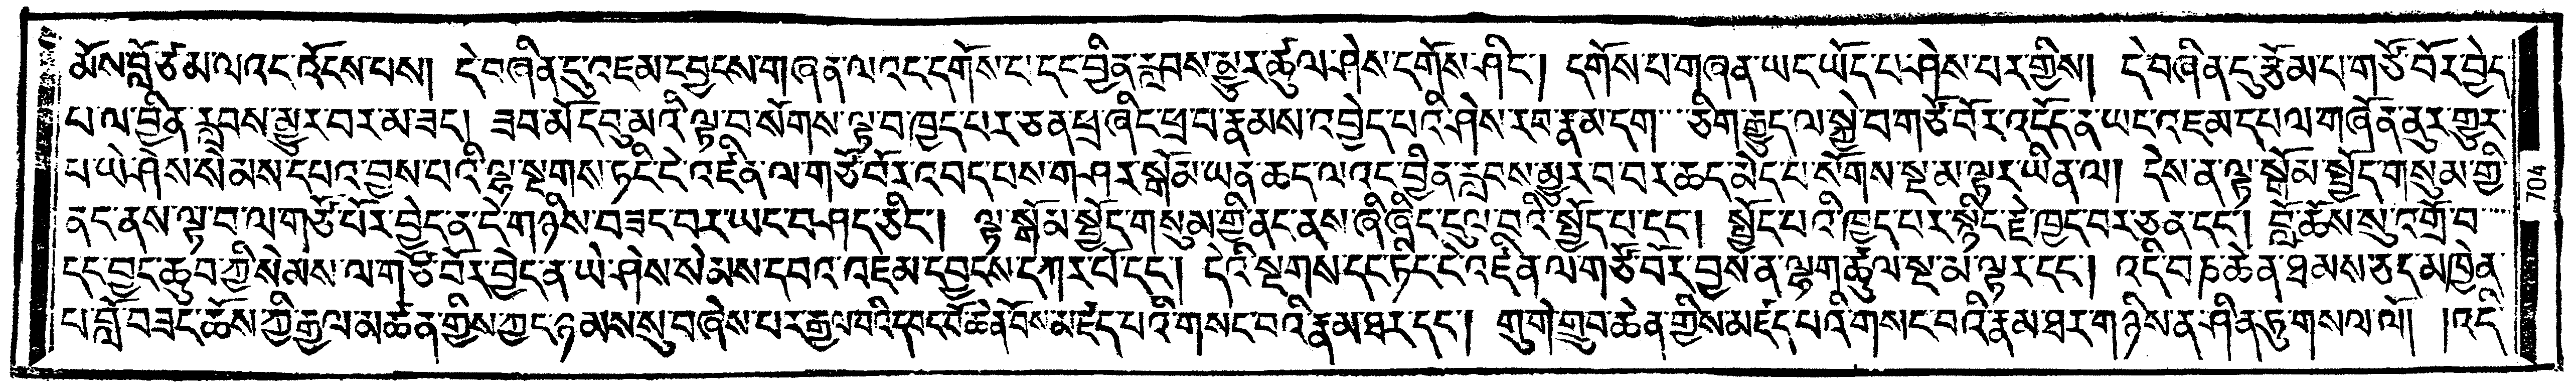མོས་བློ་ཙམ་ལའང་འོངས་པས། དེ་བཞིན་དུ་འཇམ་དབྱངས་གཞན་ལའང་དགོས་པ་དང་བྱིན་རླབས་མྱུར་ཚུལ་ཤེས་དགོས་ཤིང་། དགོས་པ་གཞན་ཡང་ཡོད་པ་ཤེས་པར་གྱིས། དེ་བཞིན་དུ་རྩོམ་པ་གཙོ་བོར་བྱེད་
པ་ལ་བྱིན་རླབས་མྱུར་བར་མ་ཟད། ཟབ་མོ་དབུ་མའི་ལྟ་བ་སོགས་ལྟ་བ་ཁྱད་པར་ཅན་ཕྲ་ཞིང་ཕྲ་བ་རྣམས་འབྱེད་པའི་ཤེས་རབ་རྣམ་དག་ཅིག་རྒྱུད་ལ་སྐྱེ་བ་གཙོ་བོར་འདོད་ན་ཡང་འཇམ་དཔལ་གཞོན་ནུར་གྱུར་
པ་ཡེ་ཤེས་སེམས་དཔའ་བྱས་པའི་ལྷ་སྔགས་ཏིང་ངེ་འཛིན་ལ་གཙོ་བོར་འབད་བས་གཤར་སྒོམ་ཡན་ཆད་ལའང་བྱིན་རླབས་མྱུར་བ་བར་ཆད་མེད་པ་སོགས་སྔ་མ་ལྟར་ཡིན་ལ། དེས་ན་ལྟ་སྒོམ་སྤྱོད་གསུམ་གྱི་
ནང་ནས་ལྟ་བ་ལ་གཙོ་བོར་བྱེད་ན་དེ་གཉིས་བཟང་བར་ཡང་བཤད་ཅིང་། ལྟ་སྒོམ་སྤྱོད་གསུམ་གྱི་ནང་ནས་ཞི་ཞིང་དུལ་བའི་སྤྱོད་པ་དང་། སྤྱོད་པའི་ཁྱད་པར་སྙིང་རྗེ་ཁྱད་པར་ཅན་དང་། བློ་ཆོས་སུ་འགྲོ་བ་
དང་བྱང་ཆུབ་ཀྱི་སེམས་ལ་གཙོ་བོར་བྱེད་ན་ཡེ་ཤེས་སེམས་དཔའ་འཇམ་དབྱངས་དཀར་པོ་དང་། དེའི་སྔགས་དང་ཏིང་ངེ་འཛིན་ལ་གཙོ་བོར་བྱས་ན་ལྷག་ཚུལ་སྔ་མ་ལྟར་དང་། འདི་པཎ་ཆེན་ཐམས་ཅད་མཁྱེན་
པ་བློ་བཟང་ཆོས་ཀྱི་རྒྱལ་མཚན་གྱིས་ཀྱང་ཉམས་སུ་བཞེས་པར་རྒྱལ་བའི་དབང་པོ་ཆེན་པོས་མཛད་པའི་གསང་བའི་རྣམ་ཐར་དང་། གུ་གེ་གྲུབ་ཆེན་གྱིས་མཛད་པའི་གསང་བའི་རྣམ་ཐར་གཉིས་ན་ཤིན་ཏུ་གསལ་ལོ། །འདི་